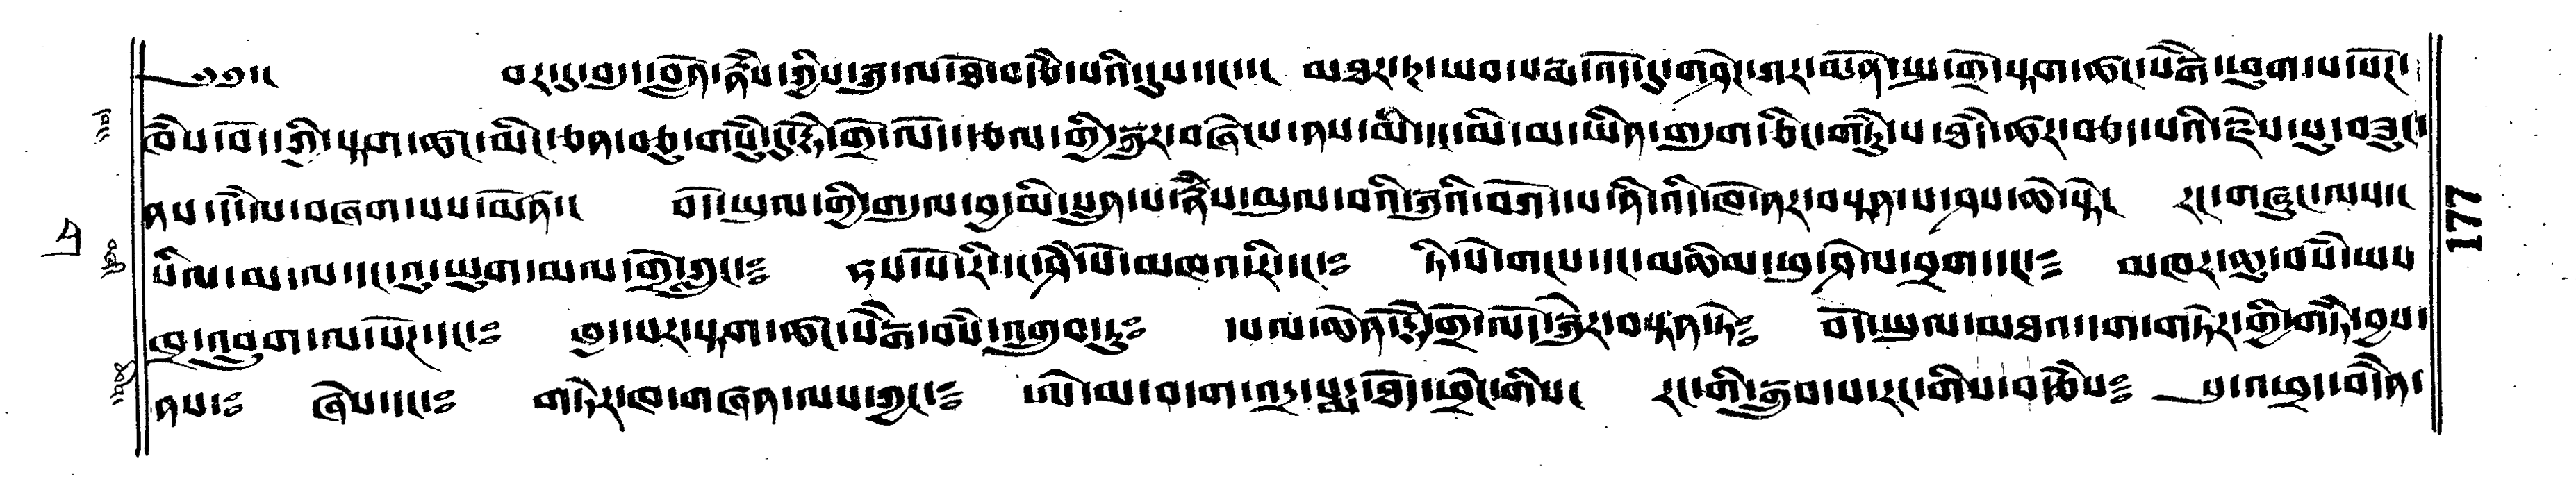བར་དུ་བདུད་བློན་རྣམས་ཀྱིས་སྐུ་ལ་བསྡོ་བར་བརྩམས་པའི་དུས་དང་། མཐར་རྔ་ཡབ་པདྨ་འོད་དུ་གཤེགས་ཁར་མོན་སྤ་གྲོ་སྟག་ཚང་སེང་གེ་ཕུག་པ་སོགས་
ཁམས་བོད་ཀྱི་སྟག་ཚང་མིང་ཅན་བཅུ་གསུམ་དུ་རྡོ་རྗེ་གྲོ་ལོད་རྩལ་གྱི་སྐུར་བཞེངས་ནས་མི་དང་མི་མ་ཡིན་གདུག་ཅིང་གཏུམ་པ་ཐམས་ཅད་ཚར་བཅད་ཅིང་རྗེས་སུ་བཟུང་
ནས་དམ་ལ་བཞག་པས་མཚོན། བོད་ཡུལ་གྱི་གདུལ་བྱ་མི་སྲུན་པ་རྣམས་འདུལ་བའི་སྐུའི་བཀོད་པ་ནི་འདི་ཁོ་ནར་བསྟན་པ་ཤས་ཆེ་སྟེ། རང་གཞུང་ལས། 
སིལ་མ་ལ་དང་འུ་ཡུག་མལ་གྲོ་ཀླུང་། ཧས་པོ་རི་དང་ཤམ་པོ་མཁའ་རི་དང༔ ཏི་སེ་གངས་དང་མཆིམ་ཕུ་ཤེལ་བྲག་དང༔ མཁར་ཆུ་བསམ་ཡས་
ཁྲ་འབྲུག་ལ་སོགས་དང༔ ཁྱད་པར་སྟག་ཚང་སེང་གེ་བསམ་འགྲུབ་ཏུ༔ དཔལ་ཆེན་རྡོ་རྗེ་གྲོ་ལོད་སྐུར་བསྟན་ཏེ༔ བོད་ཡུལ་མཐའ་དག་གཏེར་གྱི་གཏམས་བྱས་
ནས༔ ཞེས་དང་། གཏེར་ཁ་གཞན་ལས་ཀྱང་། ཨེ་མ་བདག་འདྲ་པདྨ་ཐོད་ཕྲེང་གིས༔ རང་གི་སྒྲུབ་པ་རང་གིས་བརྩམས༔ སུ་འཕྲད་བདེ་ཆེན་